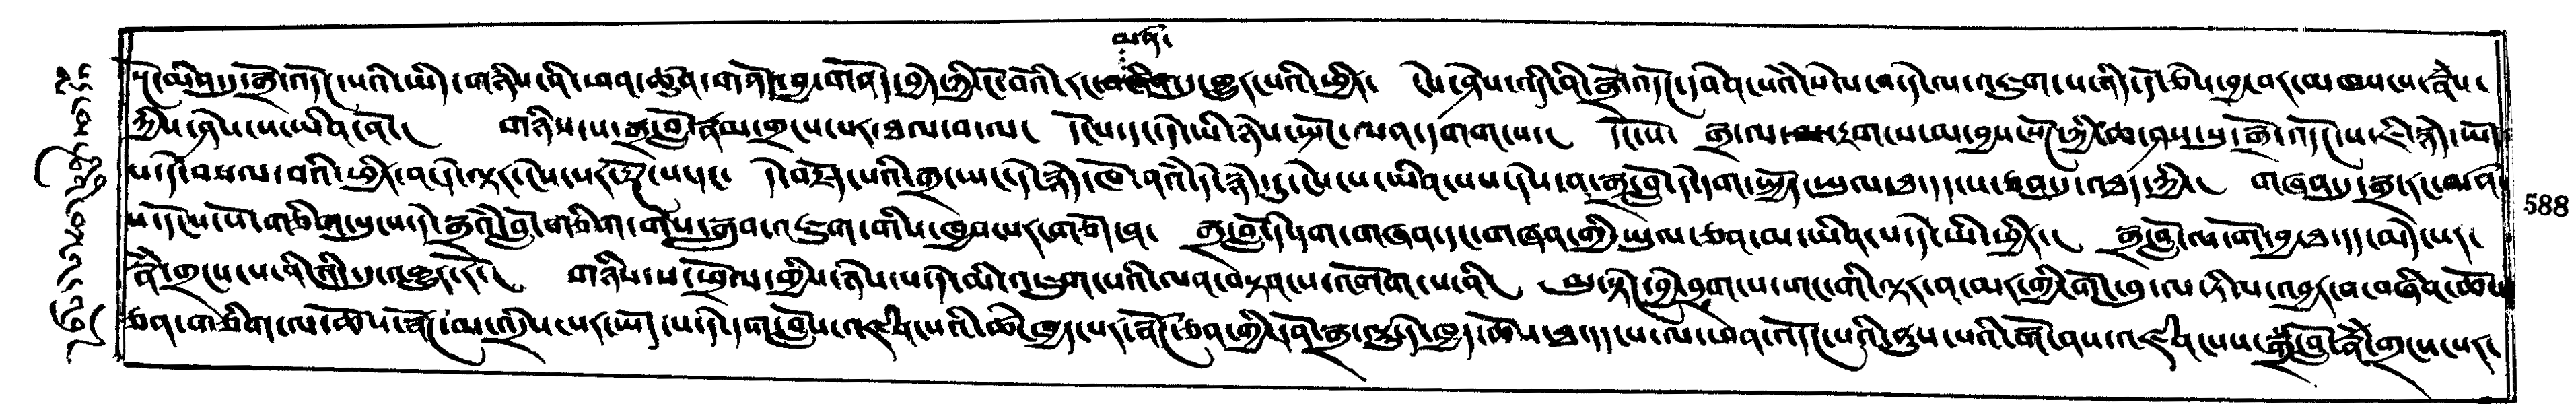སྔོ་མིན་དུ་སྒྲོ་འདོགས་པའི་ཡིད་གཉིས་ནི་ཕན་ཚུན་གནོད་བྱ་གནོད་བྱེད་ཀྱི་ངོ་བོའི་རང་མཚན་དུ་གྱུར་པའི་ཕྱིར། ངེས་ཤེས་འདི་ནི་སྒྲོ་འདོགས་དབེན་པའམ་སེལ་བ་དེ་ལ་འཇུག་པ་ཉིད་དོ་ཅེས་བྱ་བར་མཁས་པ་རྣམས་
ཀྱིས་ཤེས་པ་ཡིན་ནོ།། གཉིས་པ་སྒྲ་བློ་རྣམ་གྲངས་པར་ཐལ་བ་ལ། དངོས་དང་དེ་ཡི་ཉེས་སྤོང་ལན་དགག་པ། །དང་པོ། སྒྲ་ལ་རྟག་པ་མ་བྱས་སོགས་ཀྱི་ཆ་ཤས་སུ་སྒྲོ་འདོགས་ཇི་སྙེད་ཡོད་
པ་དེ་བསལ་བའི་ཕྱིར་ན་དེ་ལྟར་ངེས་པར་རྟོགས་པ་དང་། དེ་བརྗོད་པའི་སྒྲ་ཡང་དེ་སྙེད་ཁོ་ནའམ་དེ་སྙེད་དུ་ངེས་པ་ཡིན་པས་དེས་ན་སྒྲ་བློ་དེ་དག་སྤྱོད་ཡུལ་ཐ་དད་པ་ཅན་དུ་འཐད་ཀྱི གཞན་དུ་སྒྲ་རང་མཚན་
པ་དངོས་པོ་གཅིག་པུ་པ་དེ་སྒྲའམ་བློ་གཅིག་གིས་སྒྲུབ་འཇུག་གིས་ཁྱབ་པར་གཅོད་ན། སྒྲ་བློ་དེ་དག་གཞན་དང་གཞན་གྱི་ཡུལ་ཅན་མ་ཡིན་པ་དེའི་ཕྱིར། སྒྲ་བློ་ལ་གོ་བྱ་ཐ་དད་མེད་པར་
རྣམ་གྲངས་པ་ནི་ཉིད་དུ་འགྱུར་རོ།། གཉིས་པ་ཕྲོལ་གྱིས་ཉེས་པ་དེ་མི་འཇུག་པའི་ལན་བསྟན་པ་འགོག་པ་ནི། མུ་སྟེགས་བྱེ་བྲག་པ་གང་གི་ལྟར་ན་མར་གྱི་གོང་བུ་ལ་ཏིལ་འབྱར་བ་བཞིན་ཆོས་
ཅན་གཅིག་ལ་ཆོས་སྣ་ཚོགས་མ་འདྲེས་པར་ཡོད་པ་དེ་དག་བློས་འཛིན་པའི་ཚེ་ཁྱད་པར་སྣ་ཚོགས་ཅན་གྱི་དོན་སྒྲ་ལྟ་བུ་དེ་ཁྱད་ཆོས་ཐ་དད་པ་ལ་ཕན་འདོགས་པའི་ནུས་པའི་སྒོ་ནས་འཛིན་པས་སྒྲ་བློ་རྣམ་གྲངས་པར་